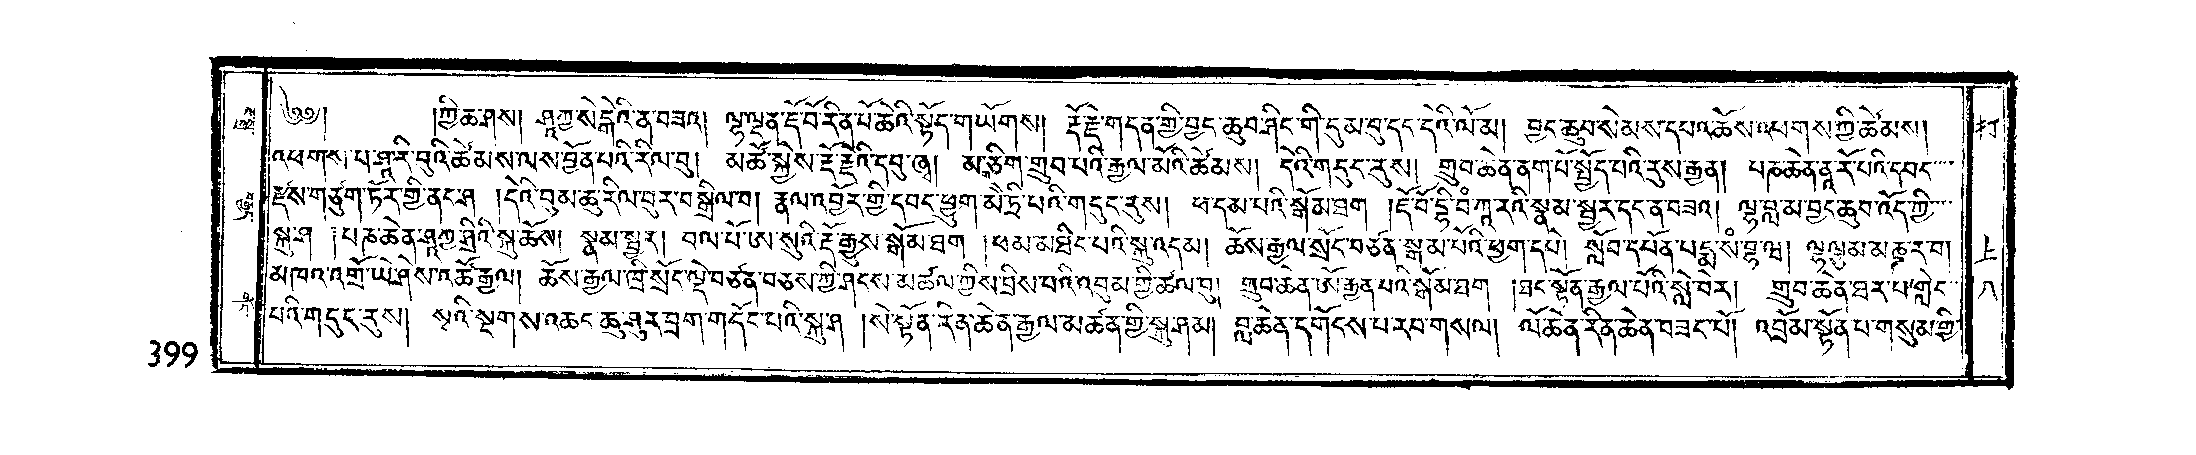༄༅། །ཀྱི་ཆ་ཤས། ཤཱཀྱ་སེངྒེའི་ན་བཟའ། ལྷ་ལྡན་ཇོ་བོ་རིན་པོ་ཆེའི་སྟོད་གཡོགས། རྡོ་རྗེ་གདན་གྱི་བྱང་ཆུབ་ཤིང་གི་དུམ་བུ་དང་དེའི་ལོ་མ། བྱང་ཆུབ་སེམས་དཔའ་ཆོས་འཕགས་ཀྱི་ཚེམས།
འཕགས་པ་ཤཱ་རི་བུའི་ཚེམས་ལས་བྱོན་པའི་རིལ་བུ། མཚོ་སྐྱེས་རྡོ་རྗེའི་དབུ་ཞྭ། མ་གཅིག་གྲུབ་པའི་རྒྱལ་མོའི་ཚེམས། དེའི་གདུང་རུས། གྲུབ་ཆེན་ནག་པོ་སྤྱོད་པའི་རུས་རྒྱན། པཎ་ཆེན་ནཱ་རོ་པའི་དབང་
རྫས་གཙུག་ཏོར་གྱི་ནང་ཤ་།དེའི་བུམ་ཆུ་རིལ་བུར་བསྒྲིལ་བ། རྣལ་འབྱོར་གྱི་དབང་ཕྱུག་མཻ་ཏྲི་པའི་གདུང་རུས། ཕ་དམ་པའི་སྒོམ་ཐག །ཇོ་བོ་དྷི་བཾ་ཀཱ་རའི་སྣམ་སྦྱར་དང་ན་བཟའ། ལྷ་བླ་མ་བྱང་ཆུབ་འོད་ཀྱི་
སྐུ་ཤ་།པཎ་ཆེན་ཤཱཀྱ་ཤྲིའི་སྐུ་ཆོས། སྣམ་སྦྱར། བལ་པོ་ཨ་སུའི་རྡོ་རྒྱུས་སྒོམ་ཐག །ཕམ་མཐིང་པའི་སྐུ་འདམ། ཆོས་རྒྱལ་སྲོང་བཙན་སྒམ་པོའི་ཕྱག་དཔེ། སློབ་དཔོན་པདམ་སཾ་བྷ་ཝ། ལྷ་ལྕམ་མཎྜ་ར་བ།
མཁའ་འགྲོ་ཡེ་ཤེས་འཚོ་རྒྱལ། ཆོས་རྒྱལ་ཁྲི་སྲོང་ལྡེ་བཙན་བཅས་ཀྱི་ཤངས་མཚལ་ཀྱིས་བྲིས་པའི་འབུམ་གྱི་ཚལ་བུ། གྲུབ་ཆེན་ཨོ་རྒྱན་པའི་སྒོམ་ཐག །ཐང་སྟོན་རྒྱལ་པོའི་སླེ་བེར། གྲུབ་ཆེན་ཐར་པ་གླེང་
པའི་གདུང་རུས། སྭའི་སྔགས་འཆང་ཆུ་ཤུར་བྲག་གདོང་པའི་སྐུ་ཤ་།སེ་སྟོན་རིན་ཆེན་རྒྱལ་མཚན་གྱི་སྐུ་ཤམ། བླ་ཆེན་དགོངས་པ་རབ་གསལ། ལོ་ཆེན་རིན་ཆེན་བཟང་པོ། འབྲོམ་སྟོན་པ་གསུམ་གྱི་